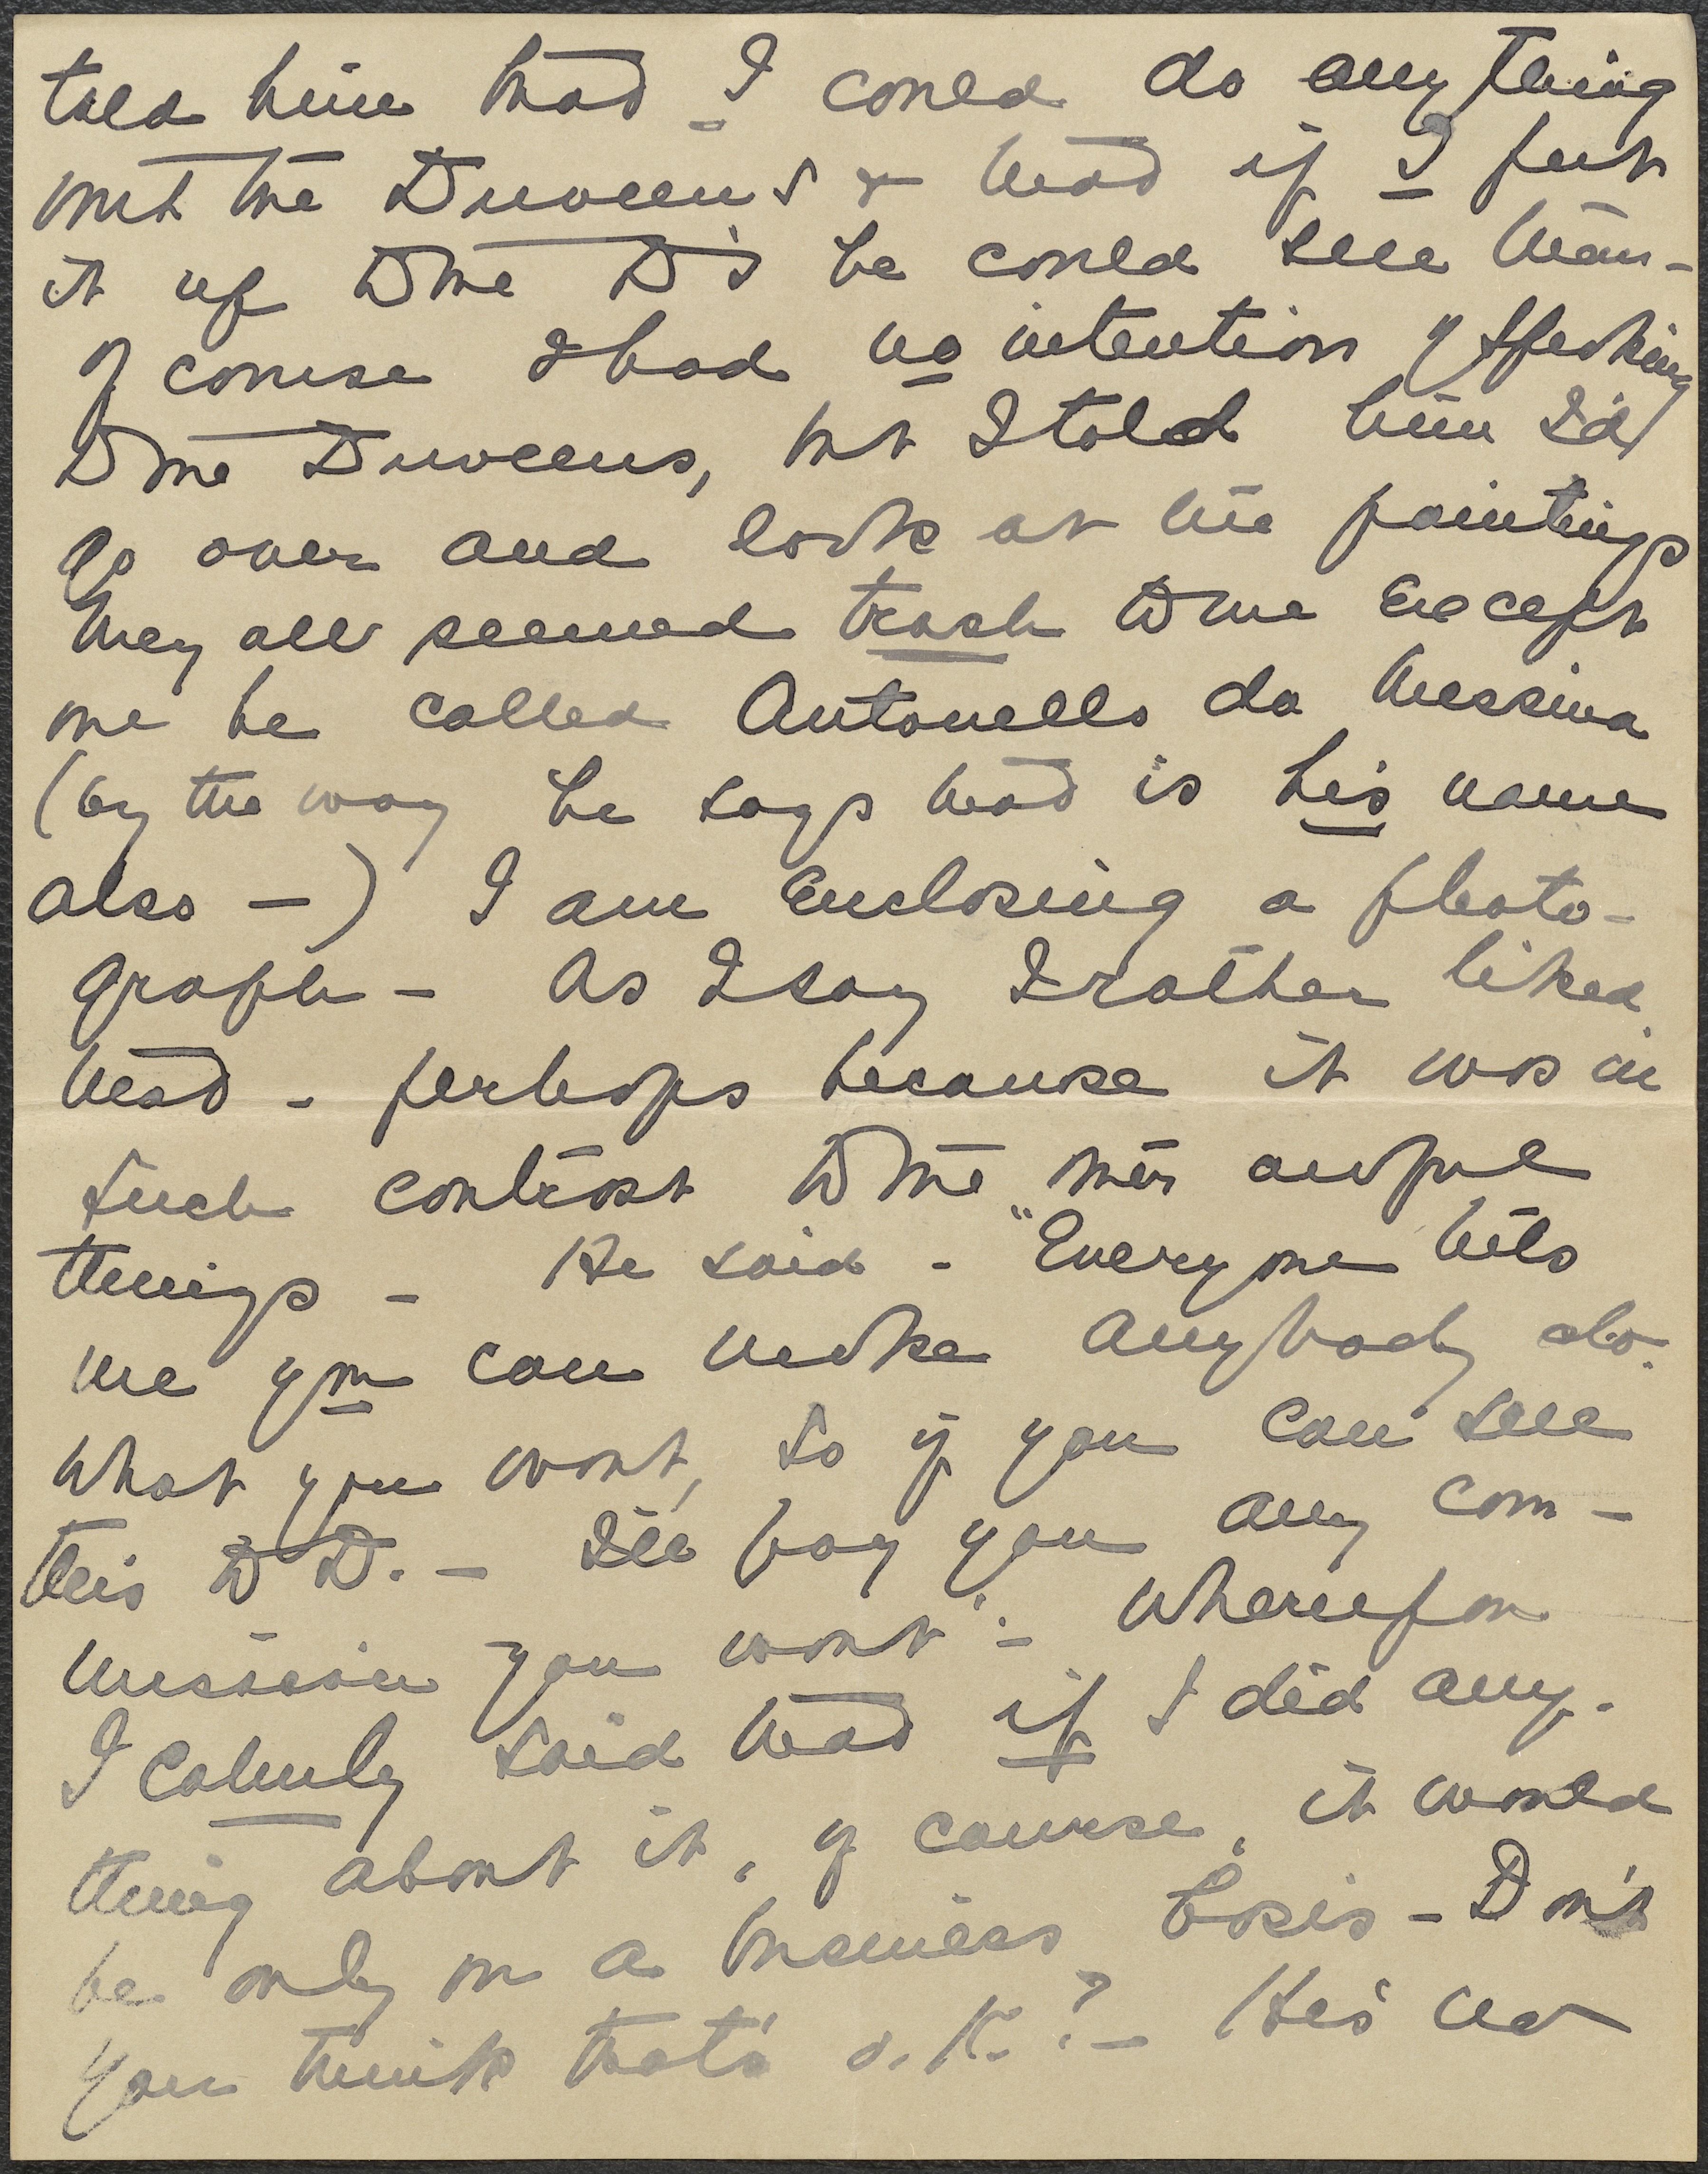told him that – I could do anything with the Duveens & that if I put it up to the D’s he could sell them – of course I had no intention of speaking to the Duveens, but I told him I’d go over and look at the paintings
They all seemed trash to me except one he called Antonello da Messina (by the way he says that is his name also –) I am enclosing a photograph – as I say I rather liked that – perhaps because it was in such contrast to the other awful things – He said – “Everyone tells me you can make anybody do what you want, so if you can sell this to D.– I’ll pay you any commission you want” – whereupon I calmly said that if I did anything about it, of course, it would be only on a business basis – Don’t you think that’s o.k.? – He’s no